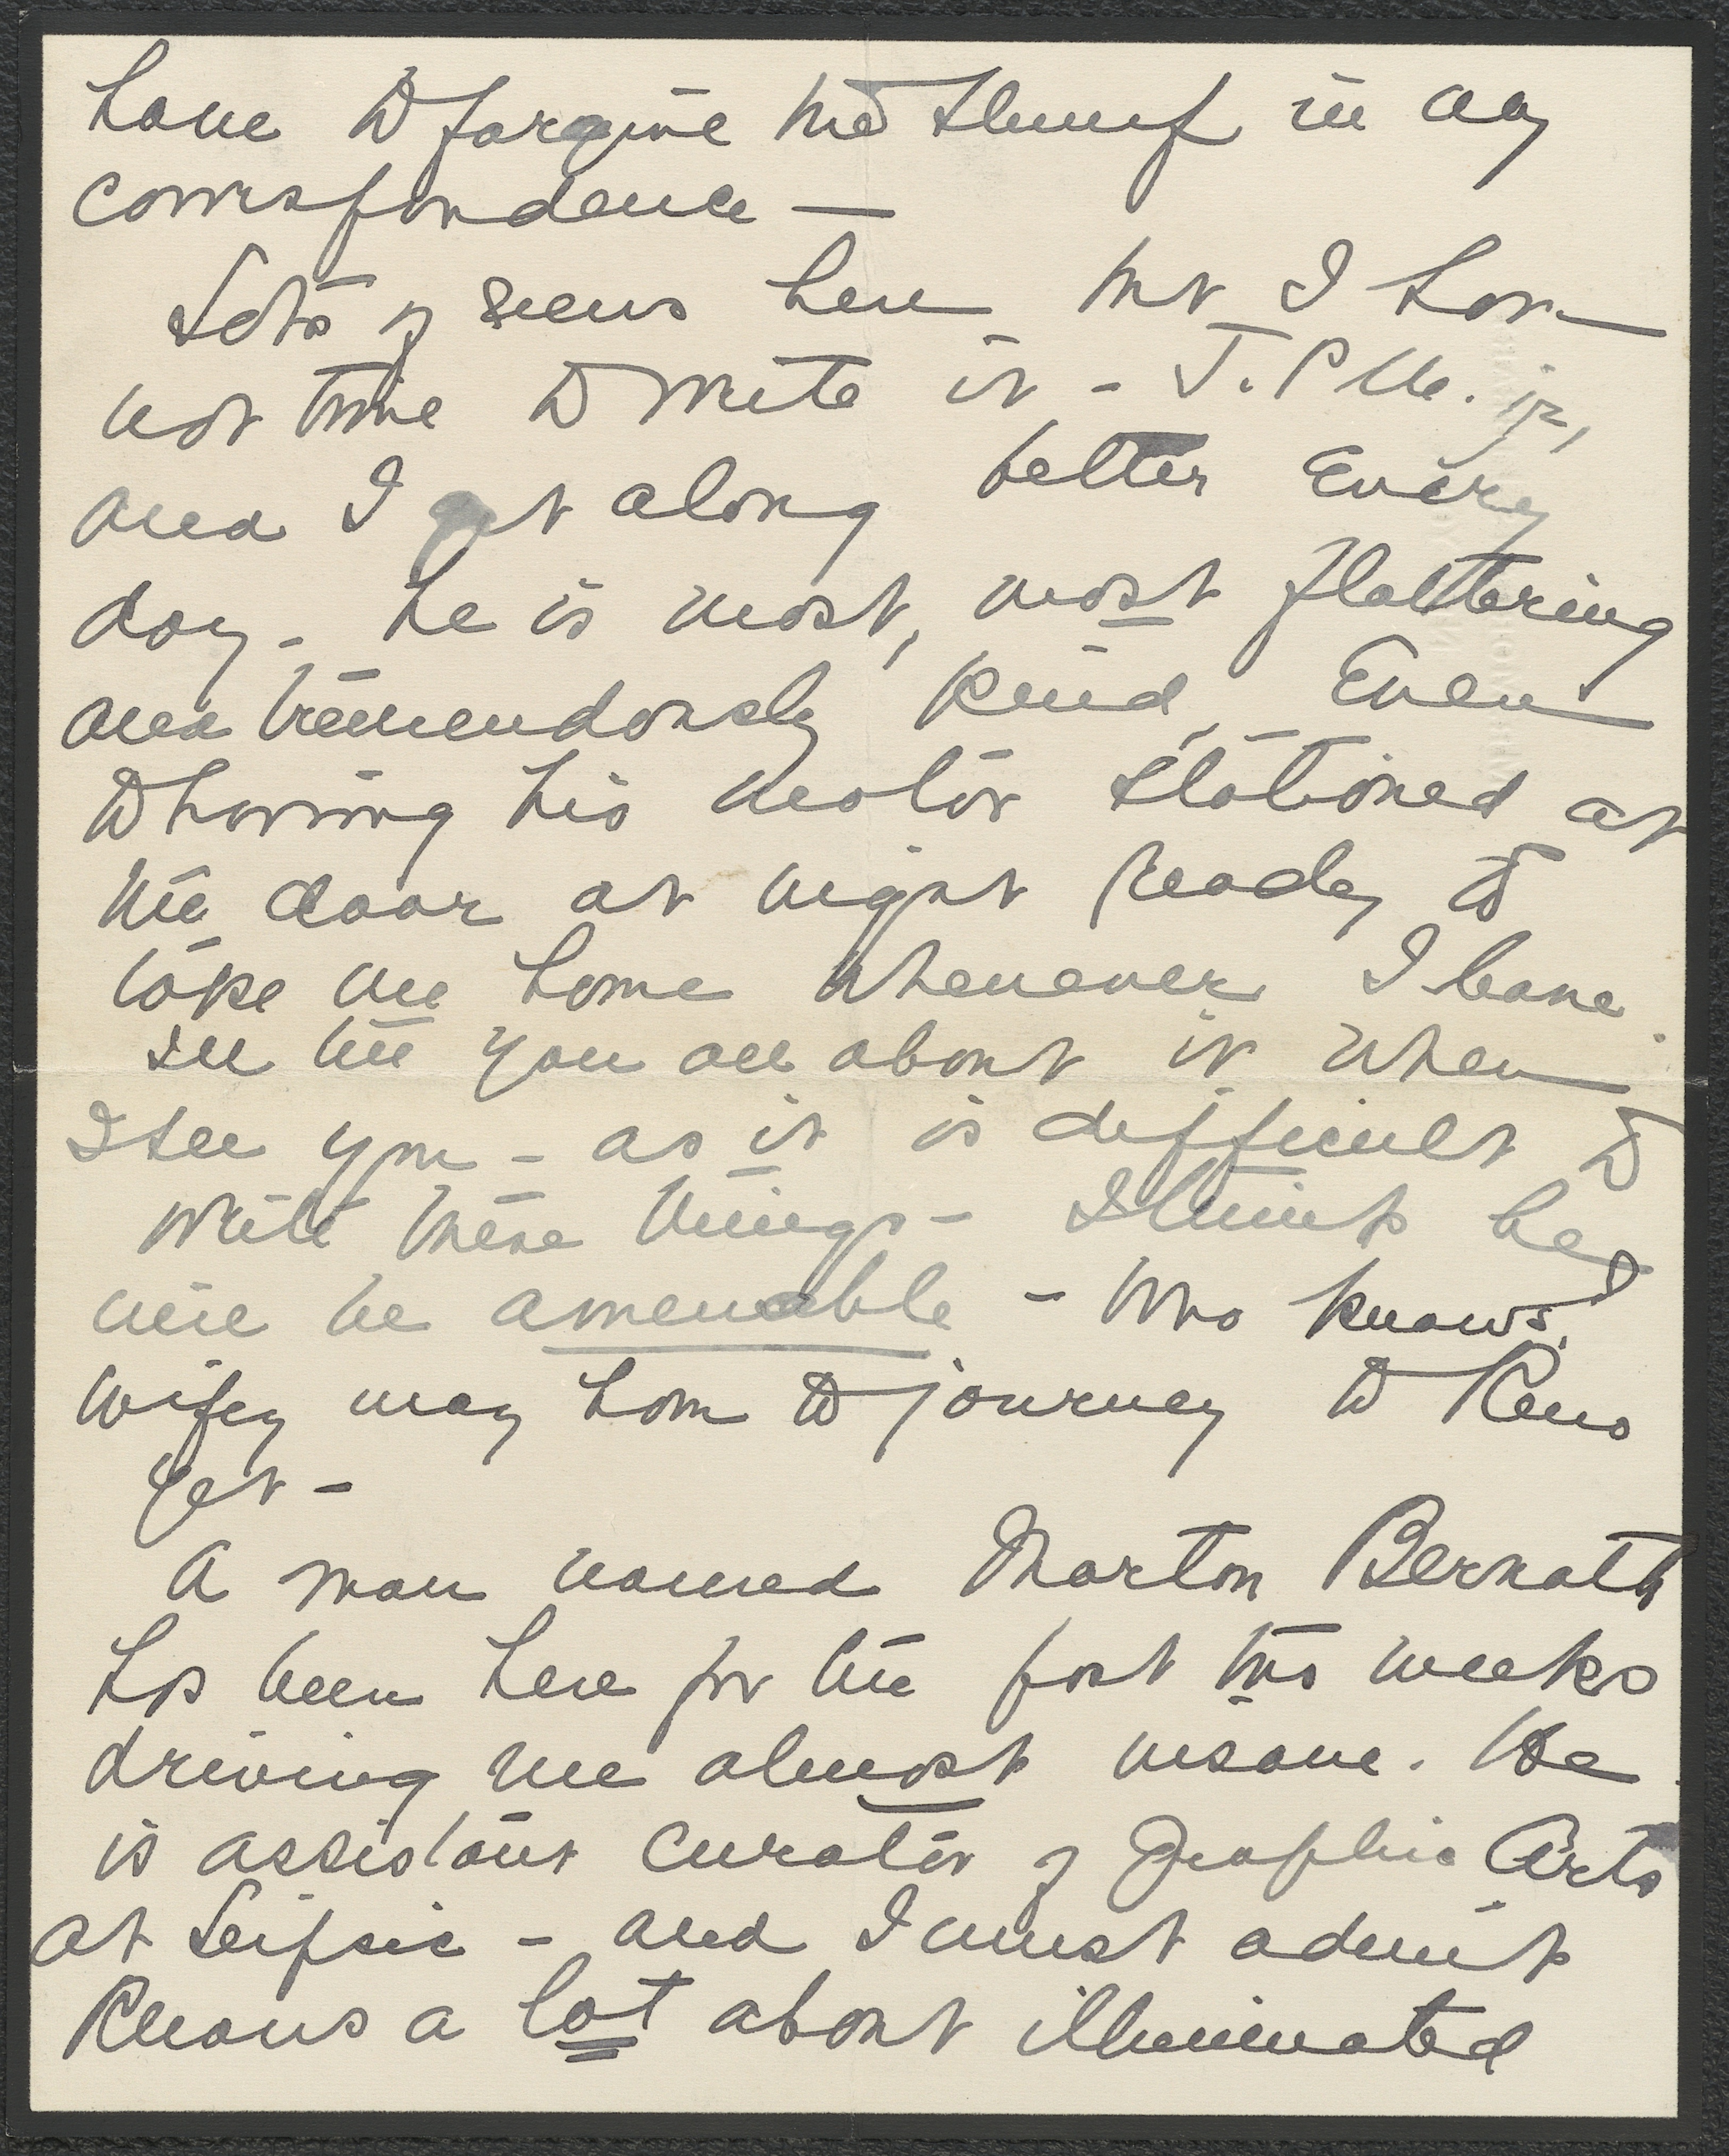have to forgive that slump in my correspondence –
Lots of news here but I have not time to write it – J. P M., jr, and I get along better every day – he is most, most flattering and tremendously kind, even to having his motor stationed at the door at night ready to take me home whenever I leave.
Ill [sic] tell you all about it when I see you – as it is difficult to write these things – I think he will be amenable – Who knows? Wifey may have to journey to Reno yet –
A man named Morton Bernath has been here for the past two weeks driving me almost insane. He is assistant curator of Graphic Arts at Leipsic – and I must admit knows a [double underlined: lot] about illuminated